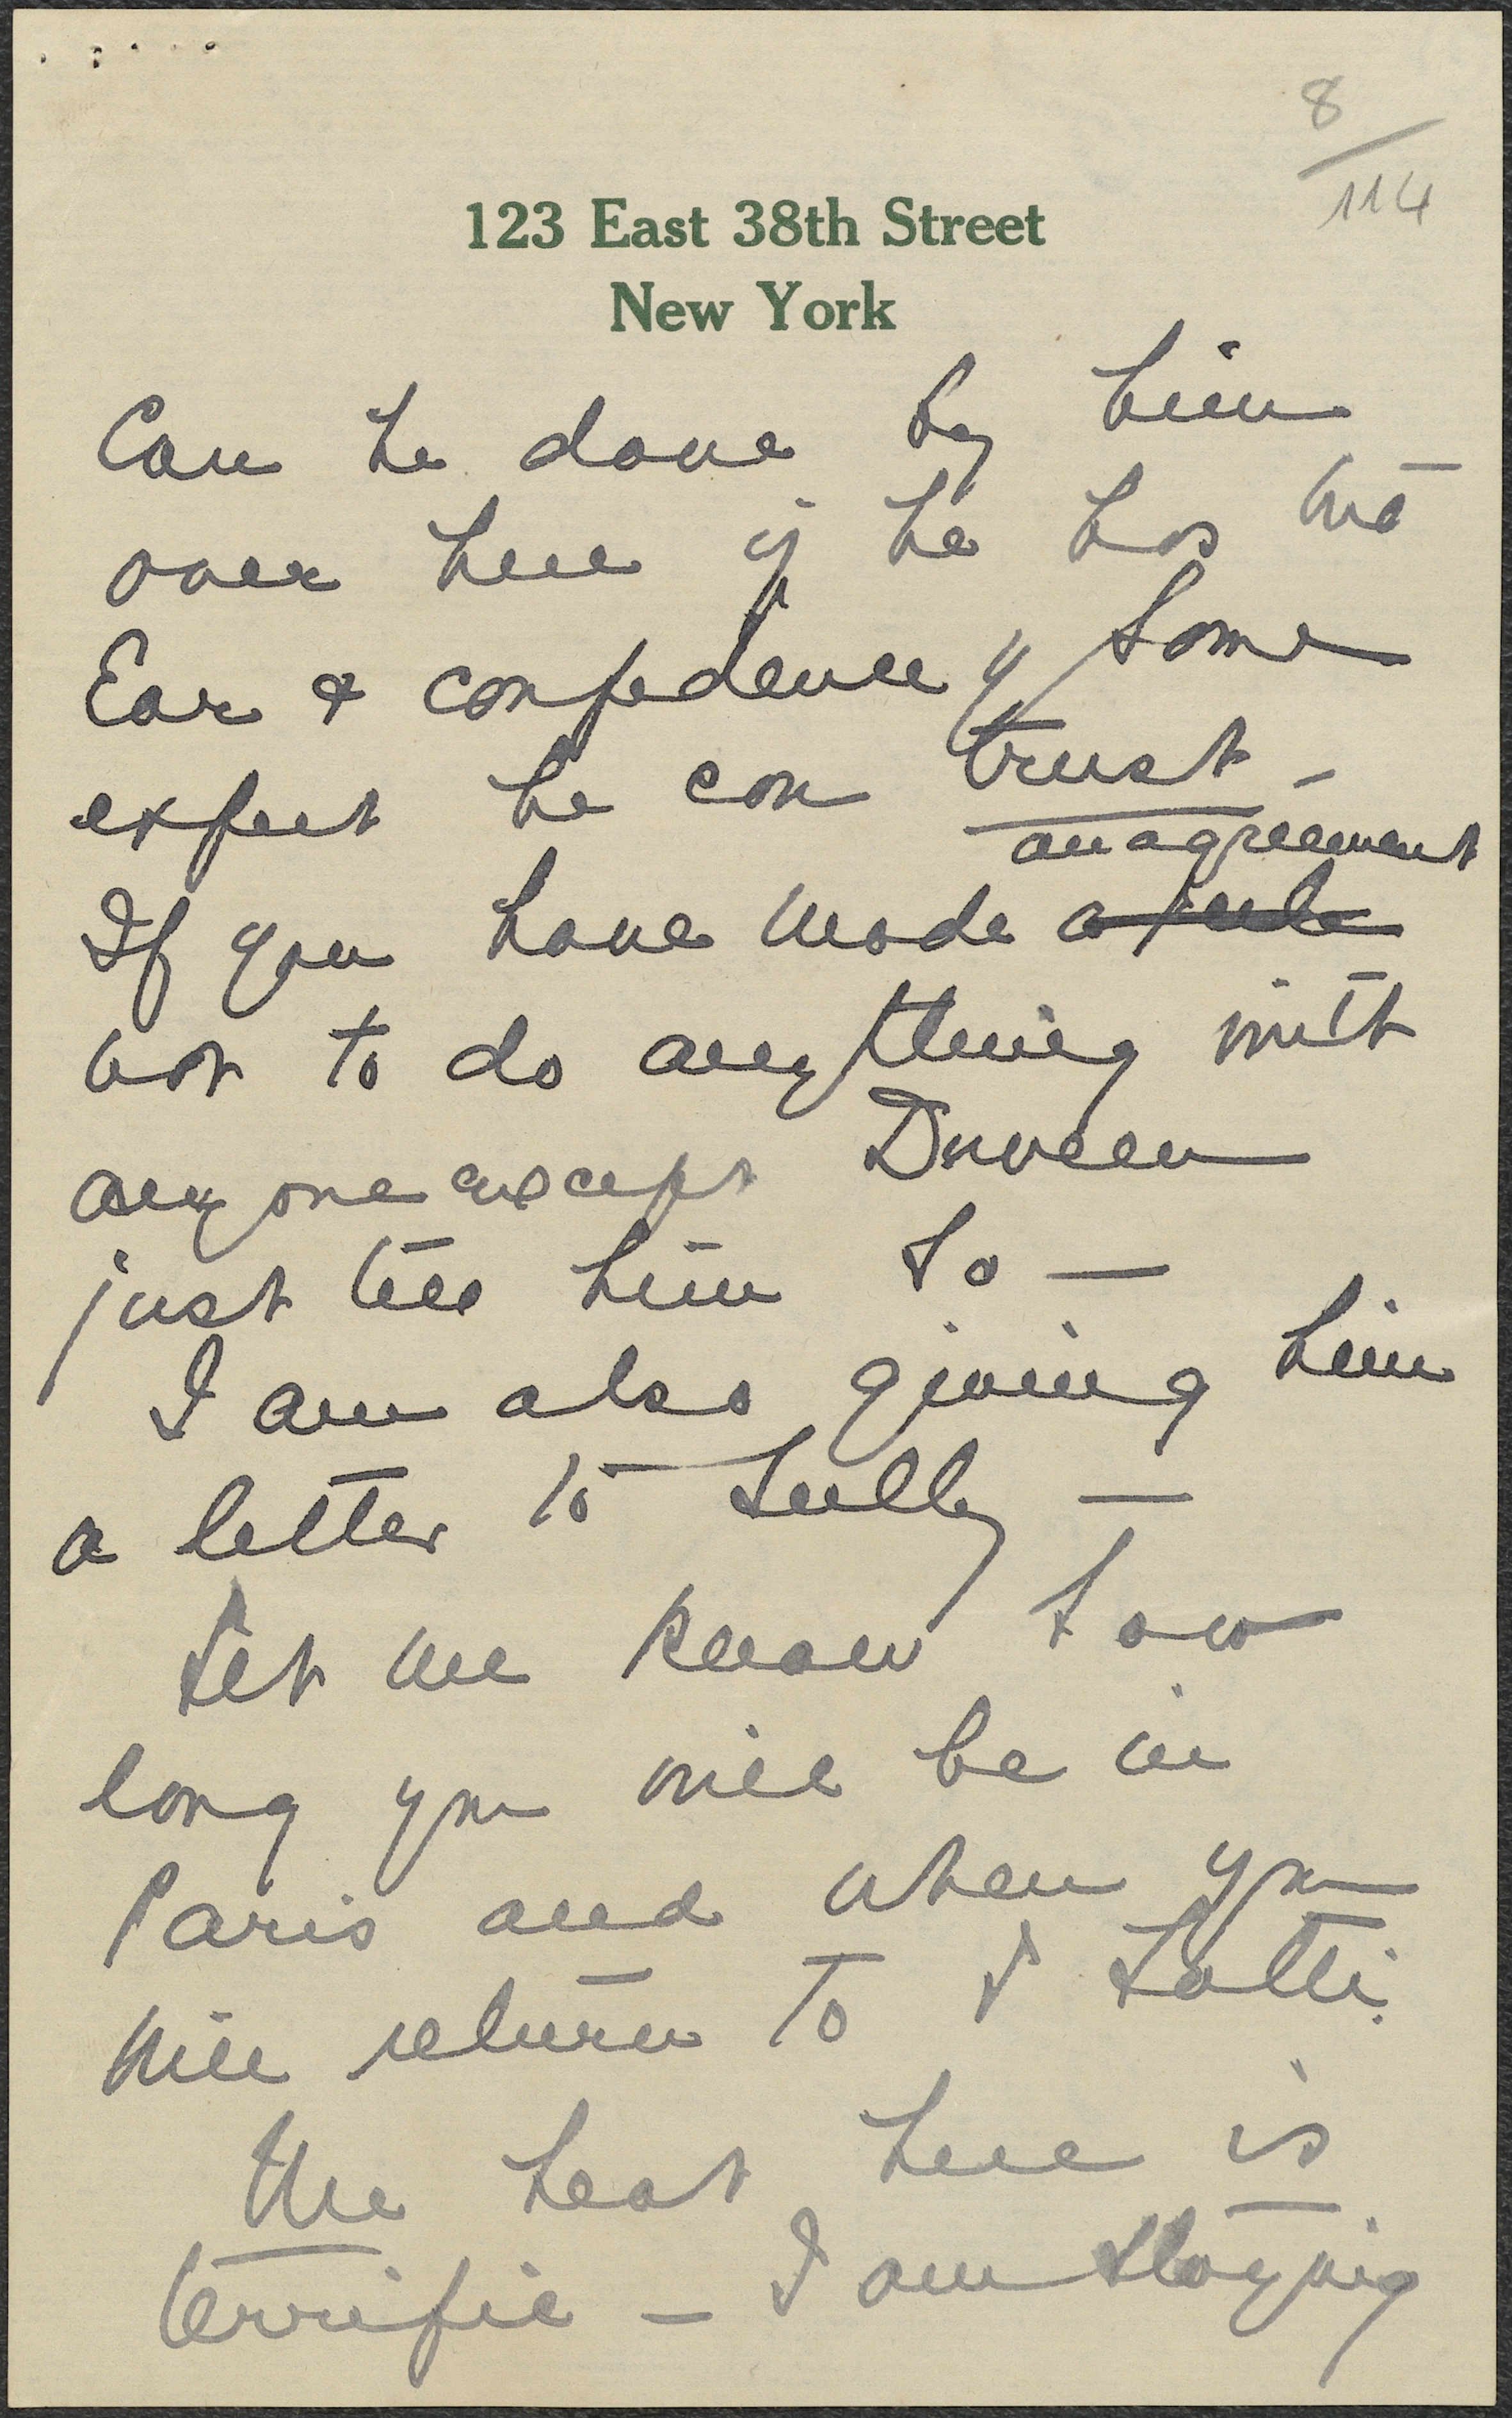can be done by him over here if he has the ear & confidence of some expert he can trust –
If you have made a rule [^an agreement^] not to do anything with anyone except Duveen just tell him so –
I am also giving him a letter to Sully –
Let me know how long you will be in Paris and when you will return to I Tatti.
The heat here is terrific – I am staying